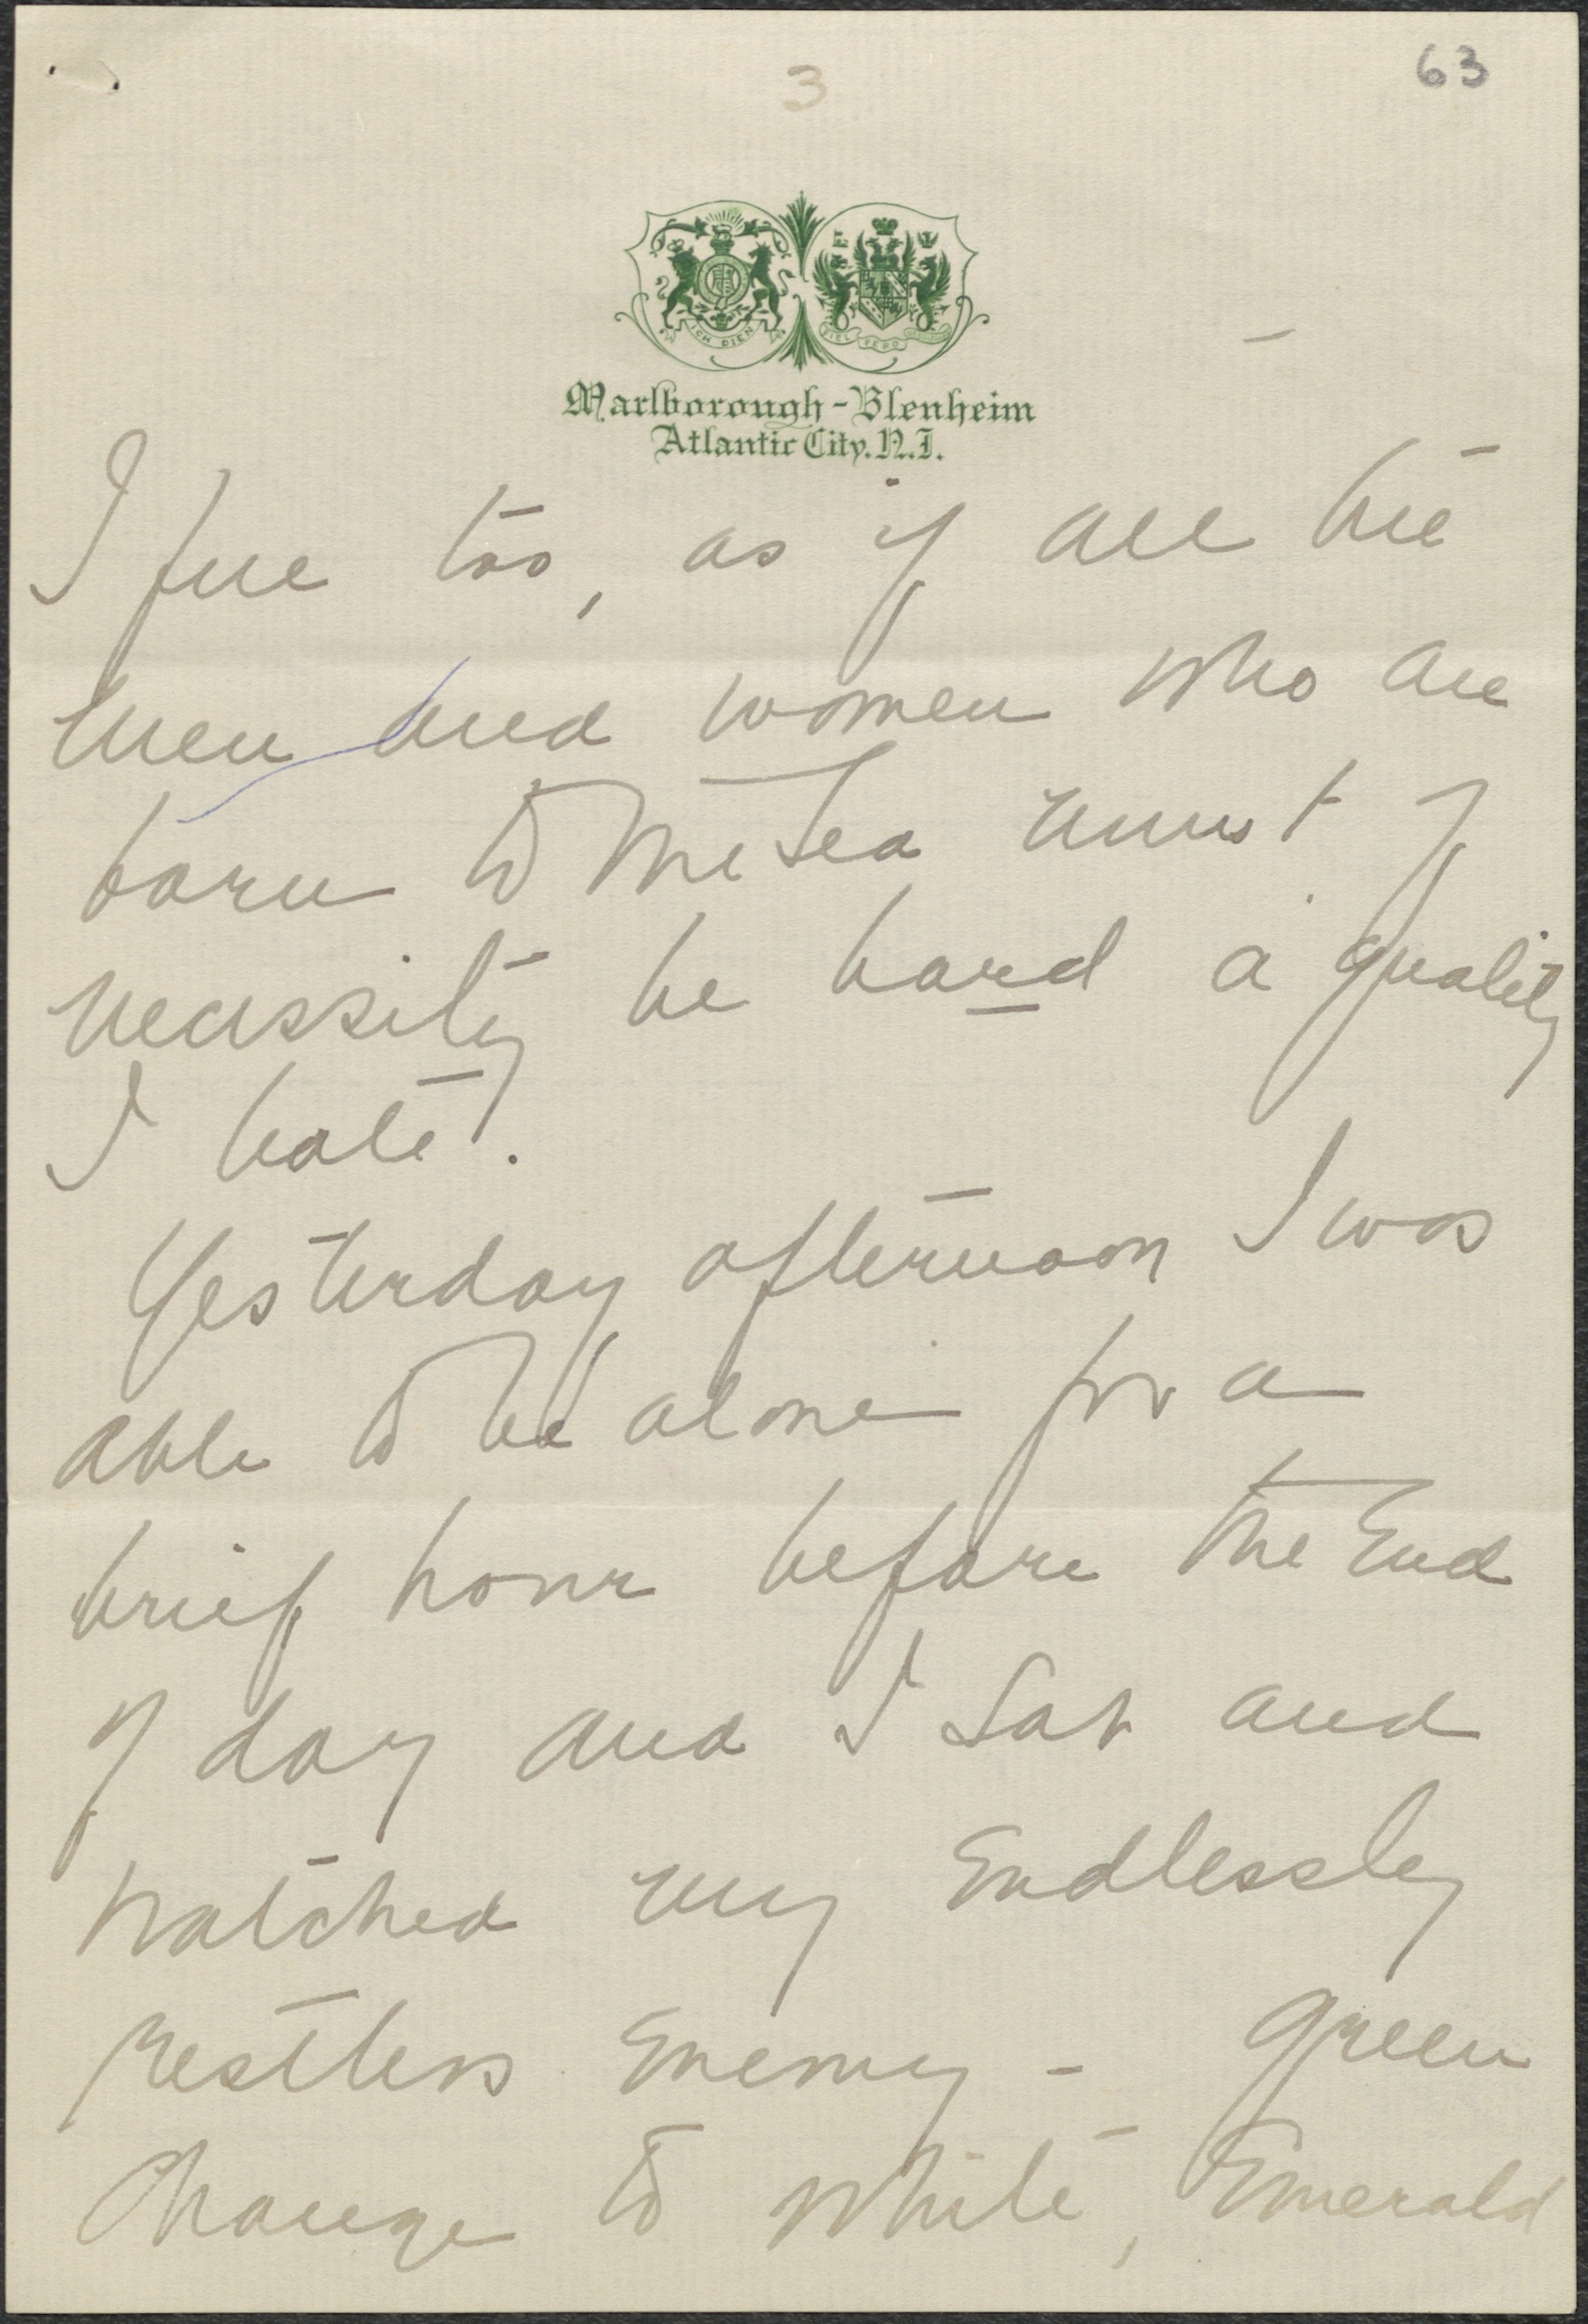3
I feel too, as if all the men and women who are born to the Sea must of necessity be hard a quality I hate.
Yesterday afternoon I was able to be alone for a brief hour before the end of day and I sat and watched my endlessly restless enemy – green change to white, emerald